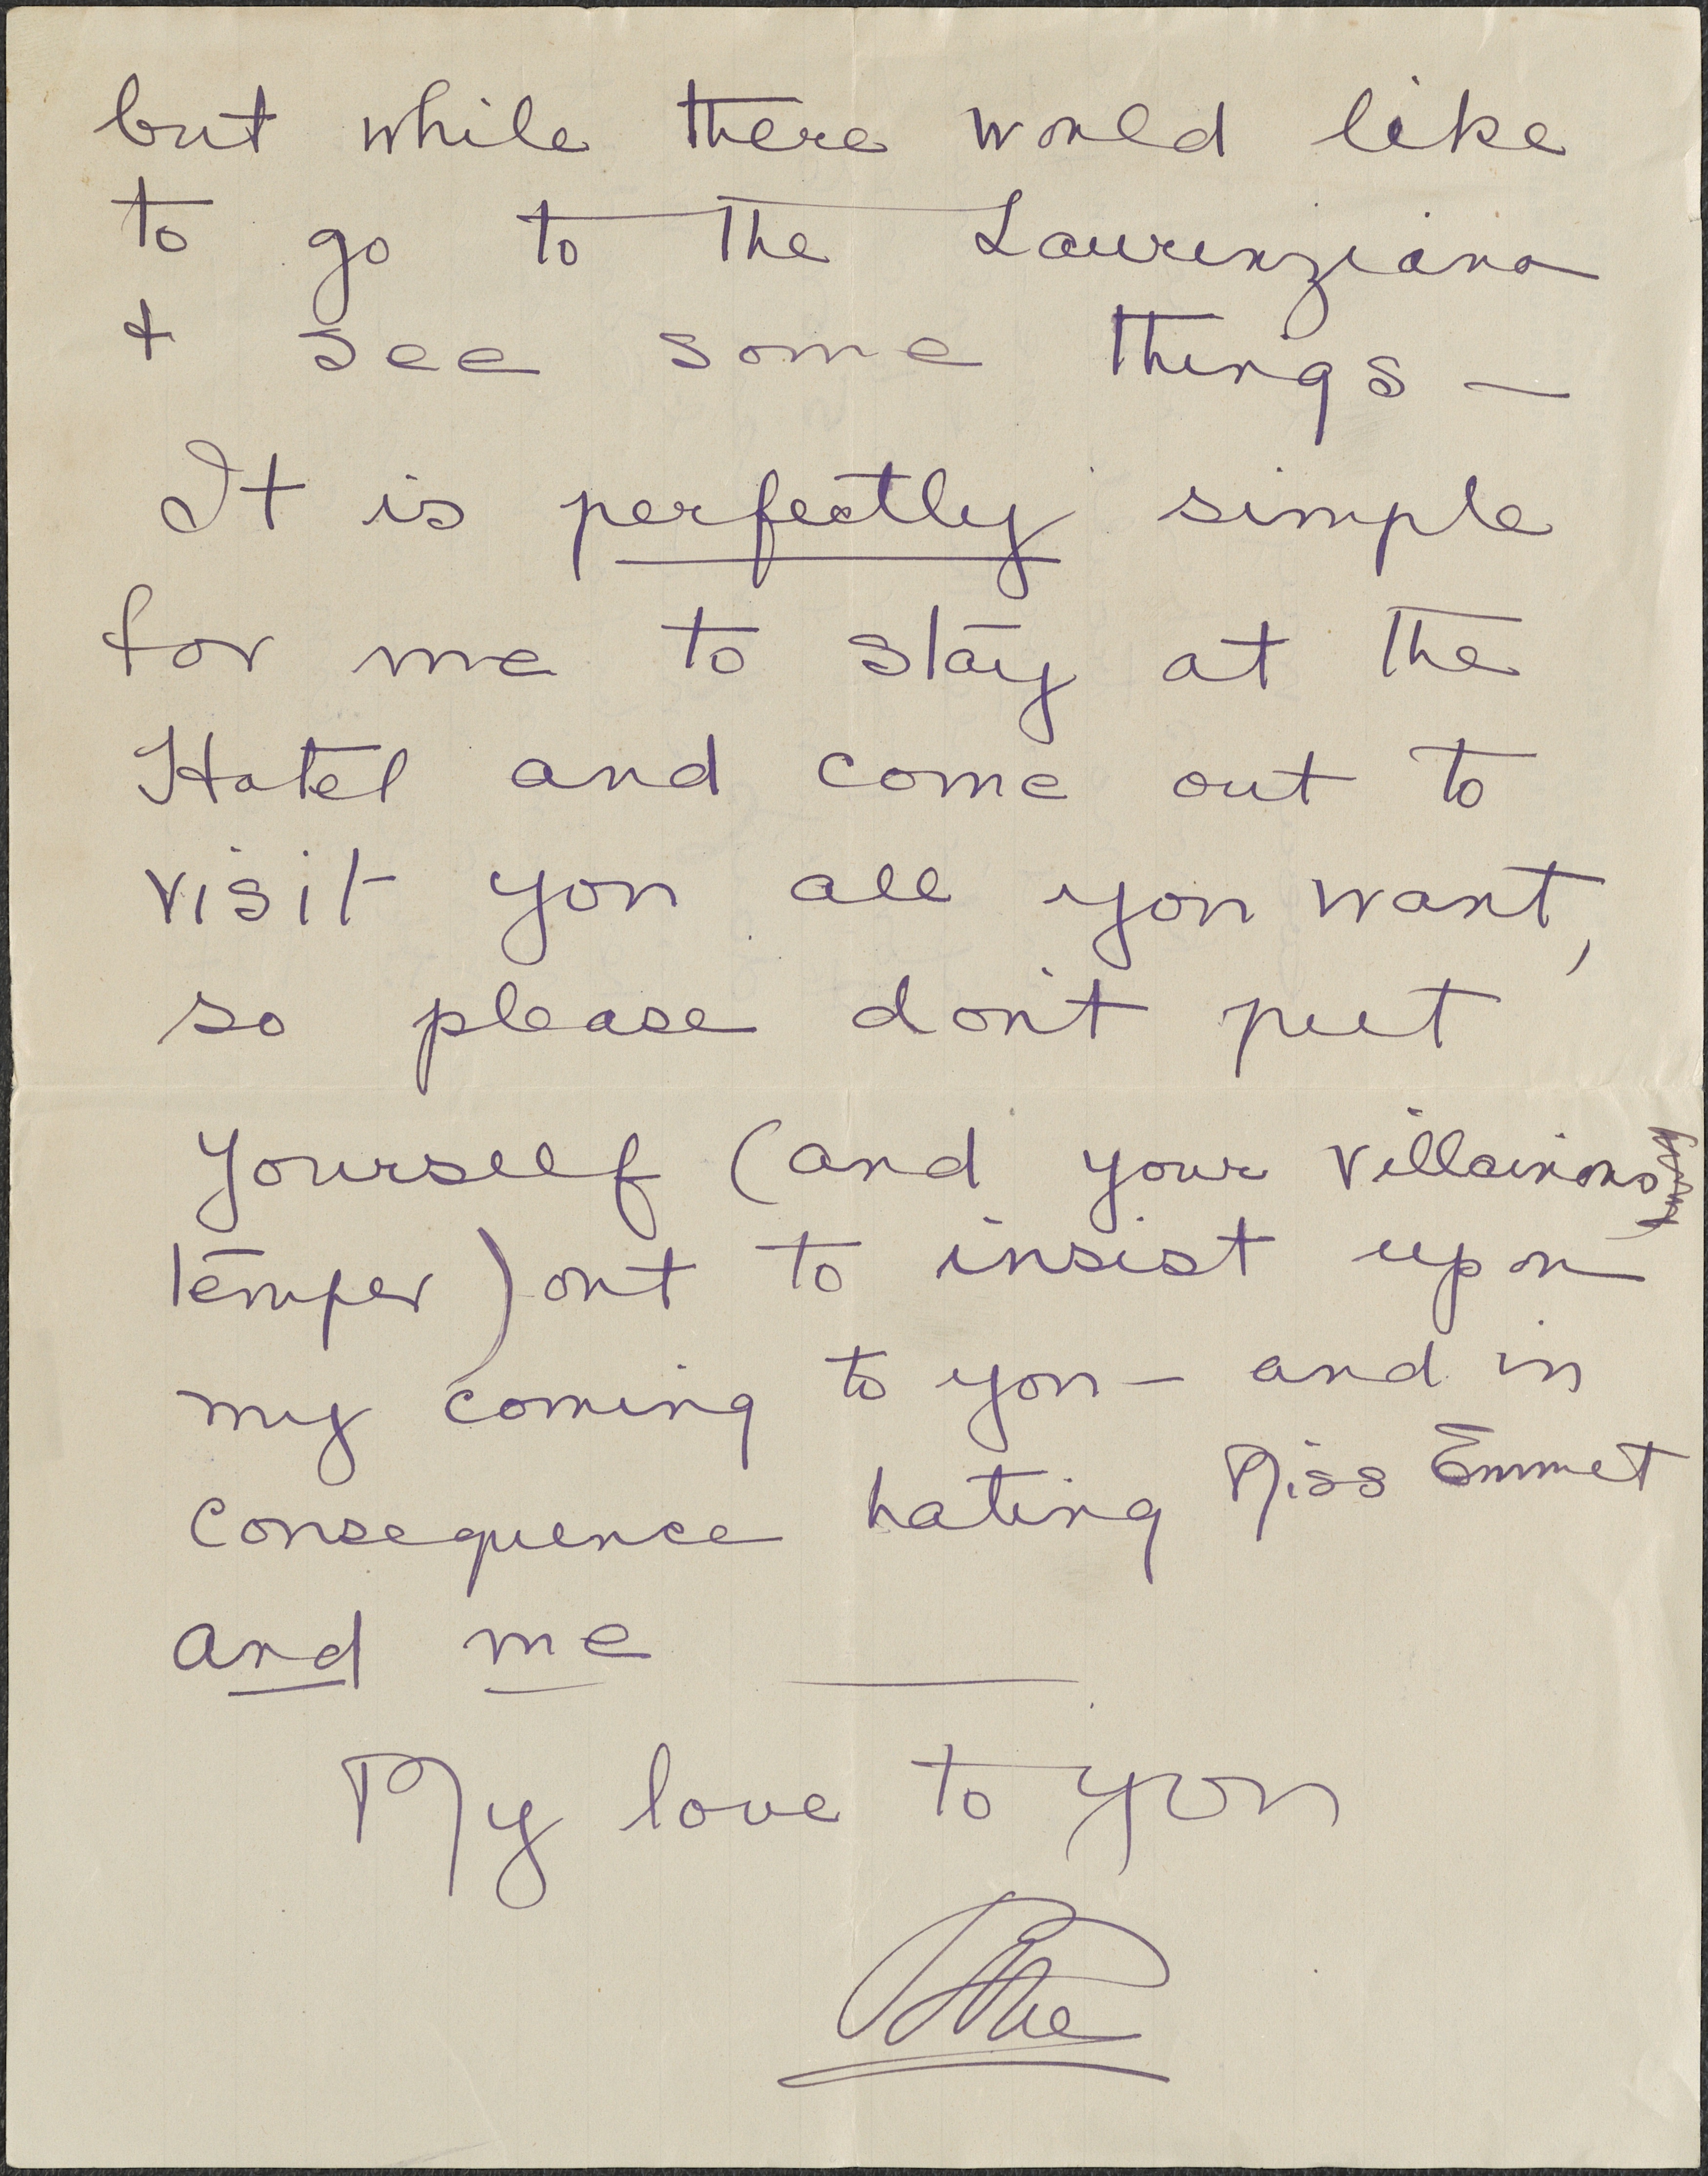but while there would like to go to the Laurenziana & see some things –
It is perfectly simple for me to stay at the Hotel and come out to visit you all you want, so please don’t put yourself (and your villainous) temper) out to to insist upon my coming to you – and in consequence hating Miss Emmet and me
My love to you
Belle